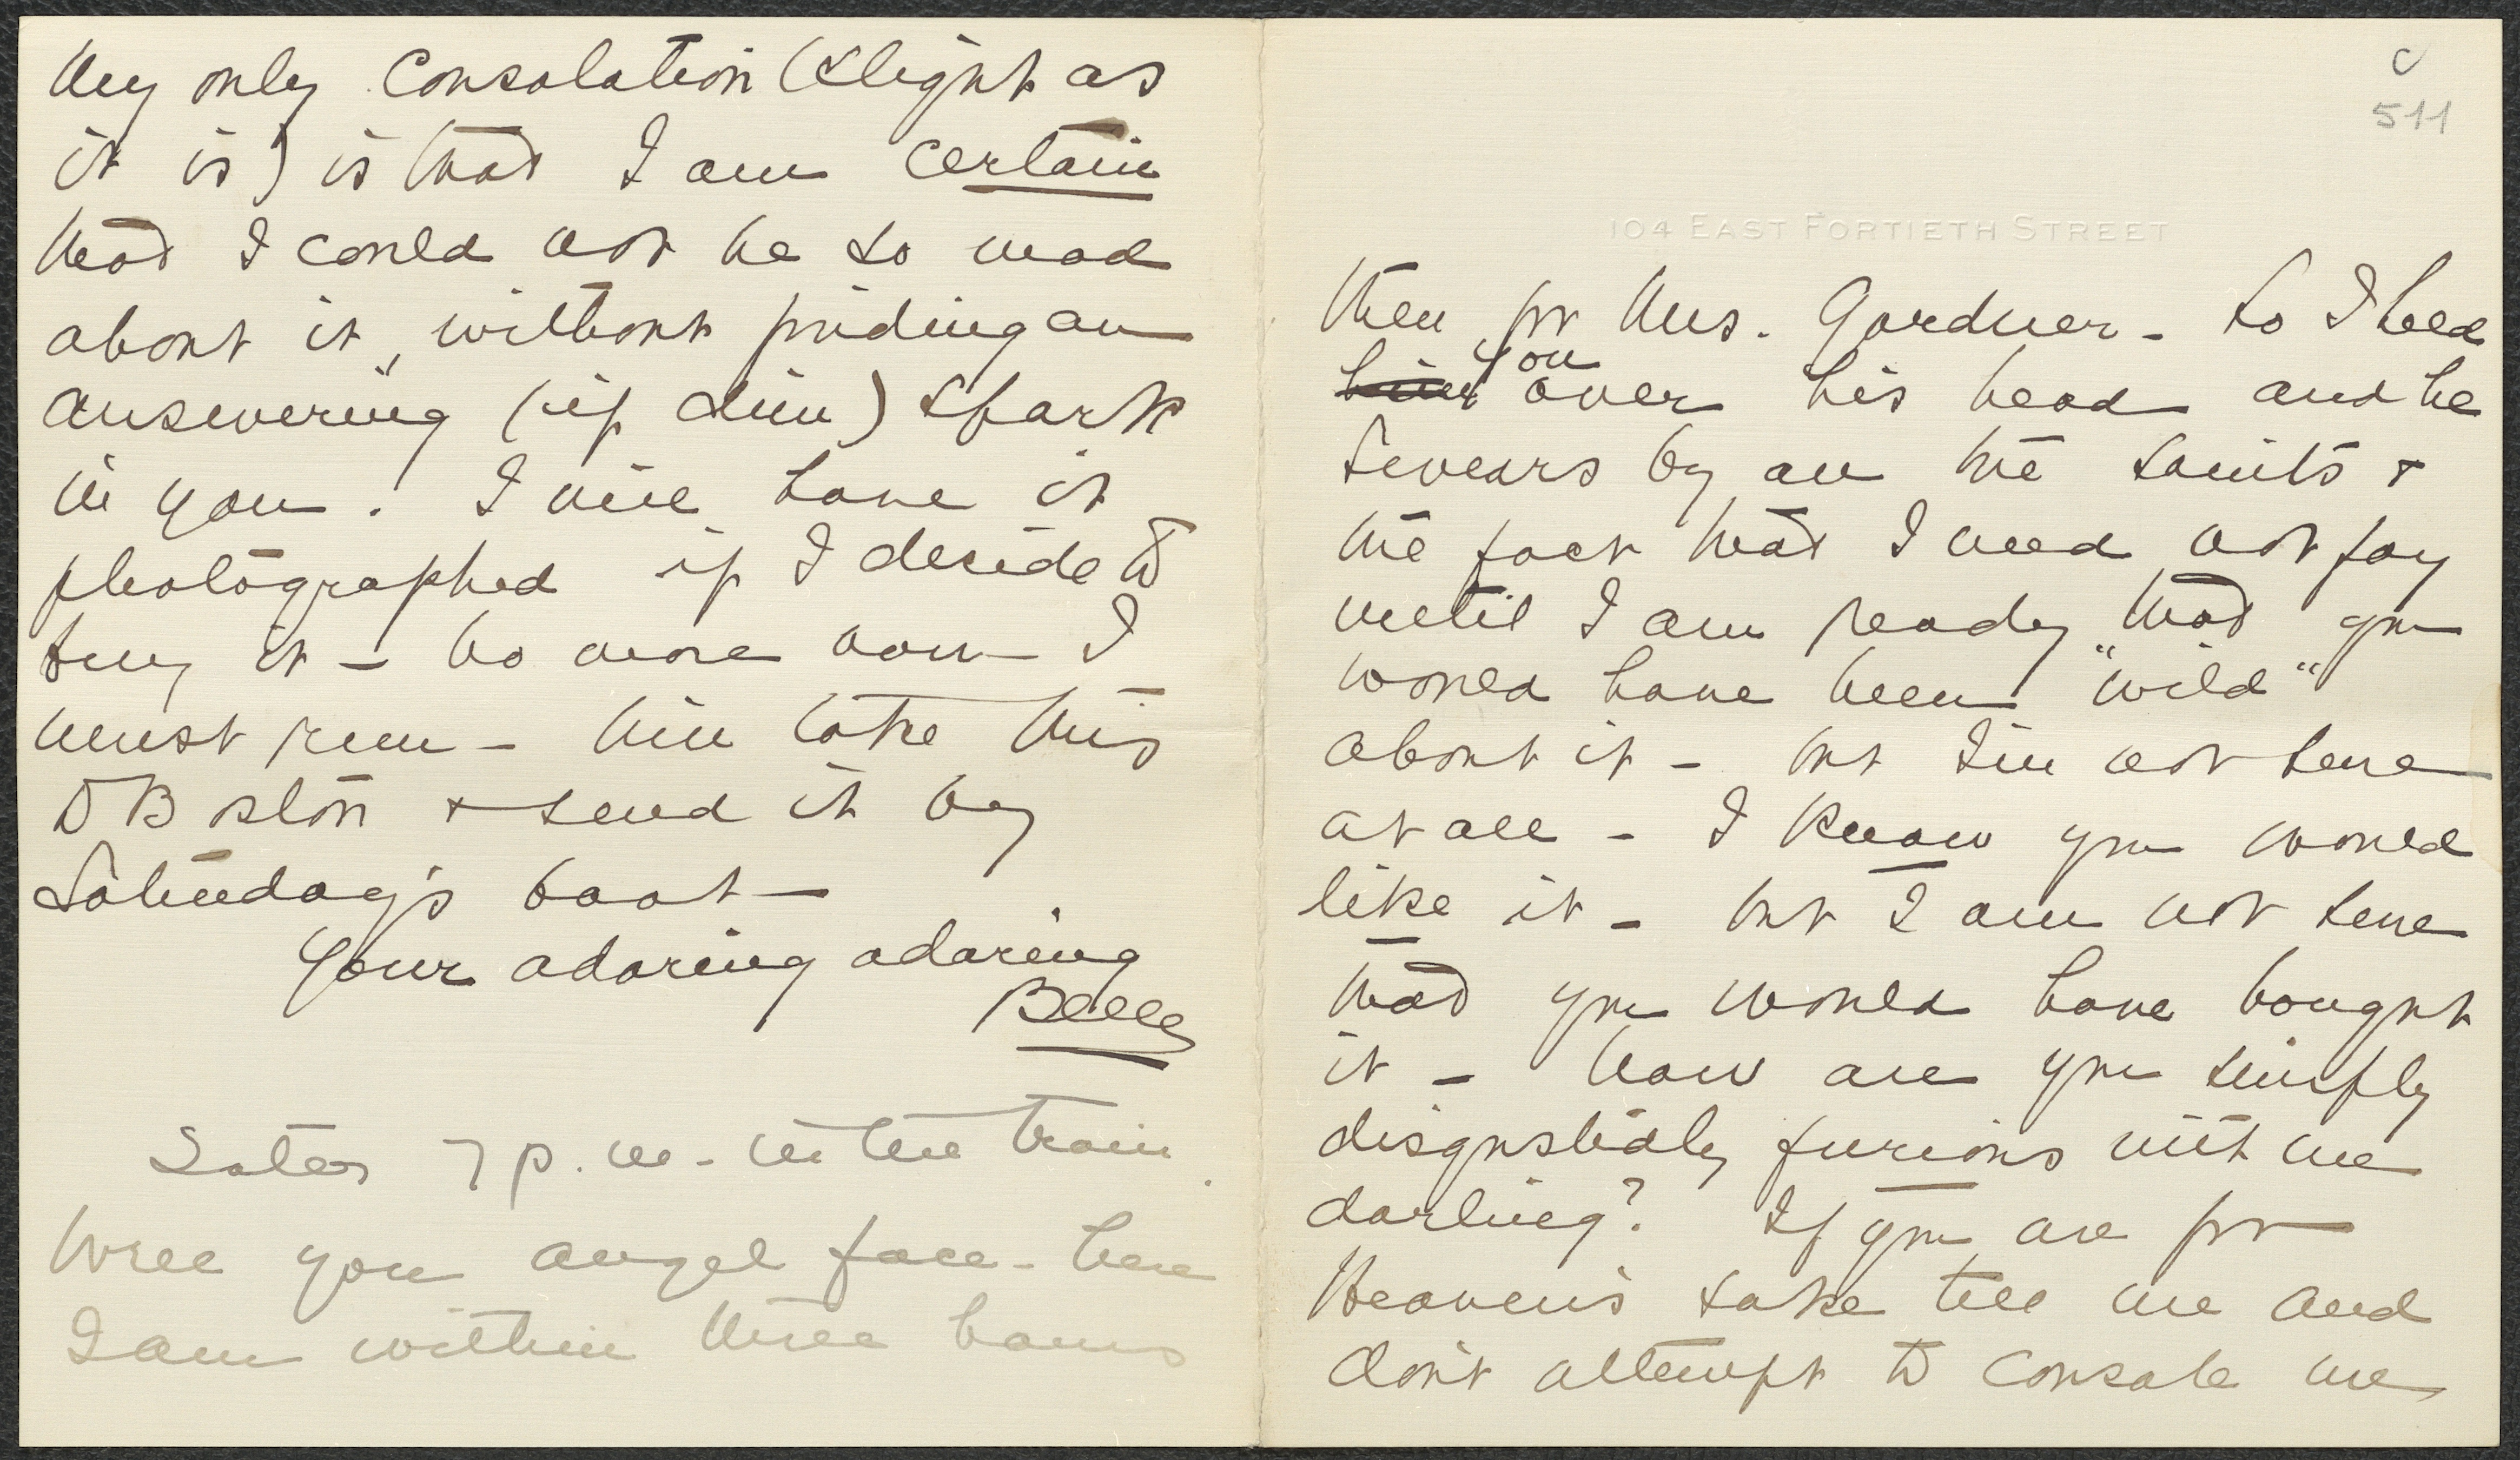then for Mrs. Gardner – so I held him [^you^] over his head and he swears by all the saints & the fact that I need not pay until I am ready that you would have been “wild” about it – but I’m not sure at all – I know you would like it – but I am not sure that you would have bought it – now are you simply disgustedly furious with me darling? If you are for Heaven’s sake tell me and don’t attempt to console me
My only consolation (slight as it is) is that I am certain that I could not be so mad about it, without finding an answering (if dim) spark in you. I will have it photographed if I decide to buy it – no more now – I must run – Will take this to Boston & send it by Saturday’s boat –
Your adoring adoring
Belle
Later 7 p.m. – in the train.
Well you angel face – here I am within three hours